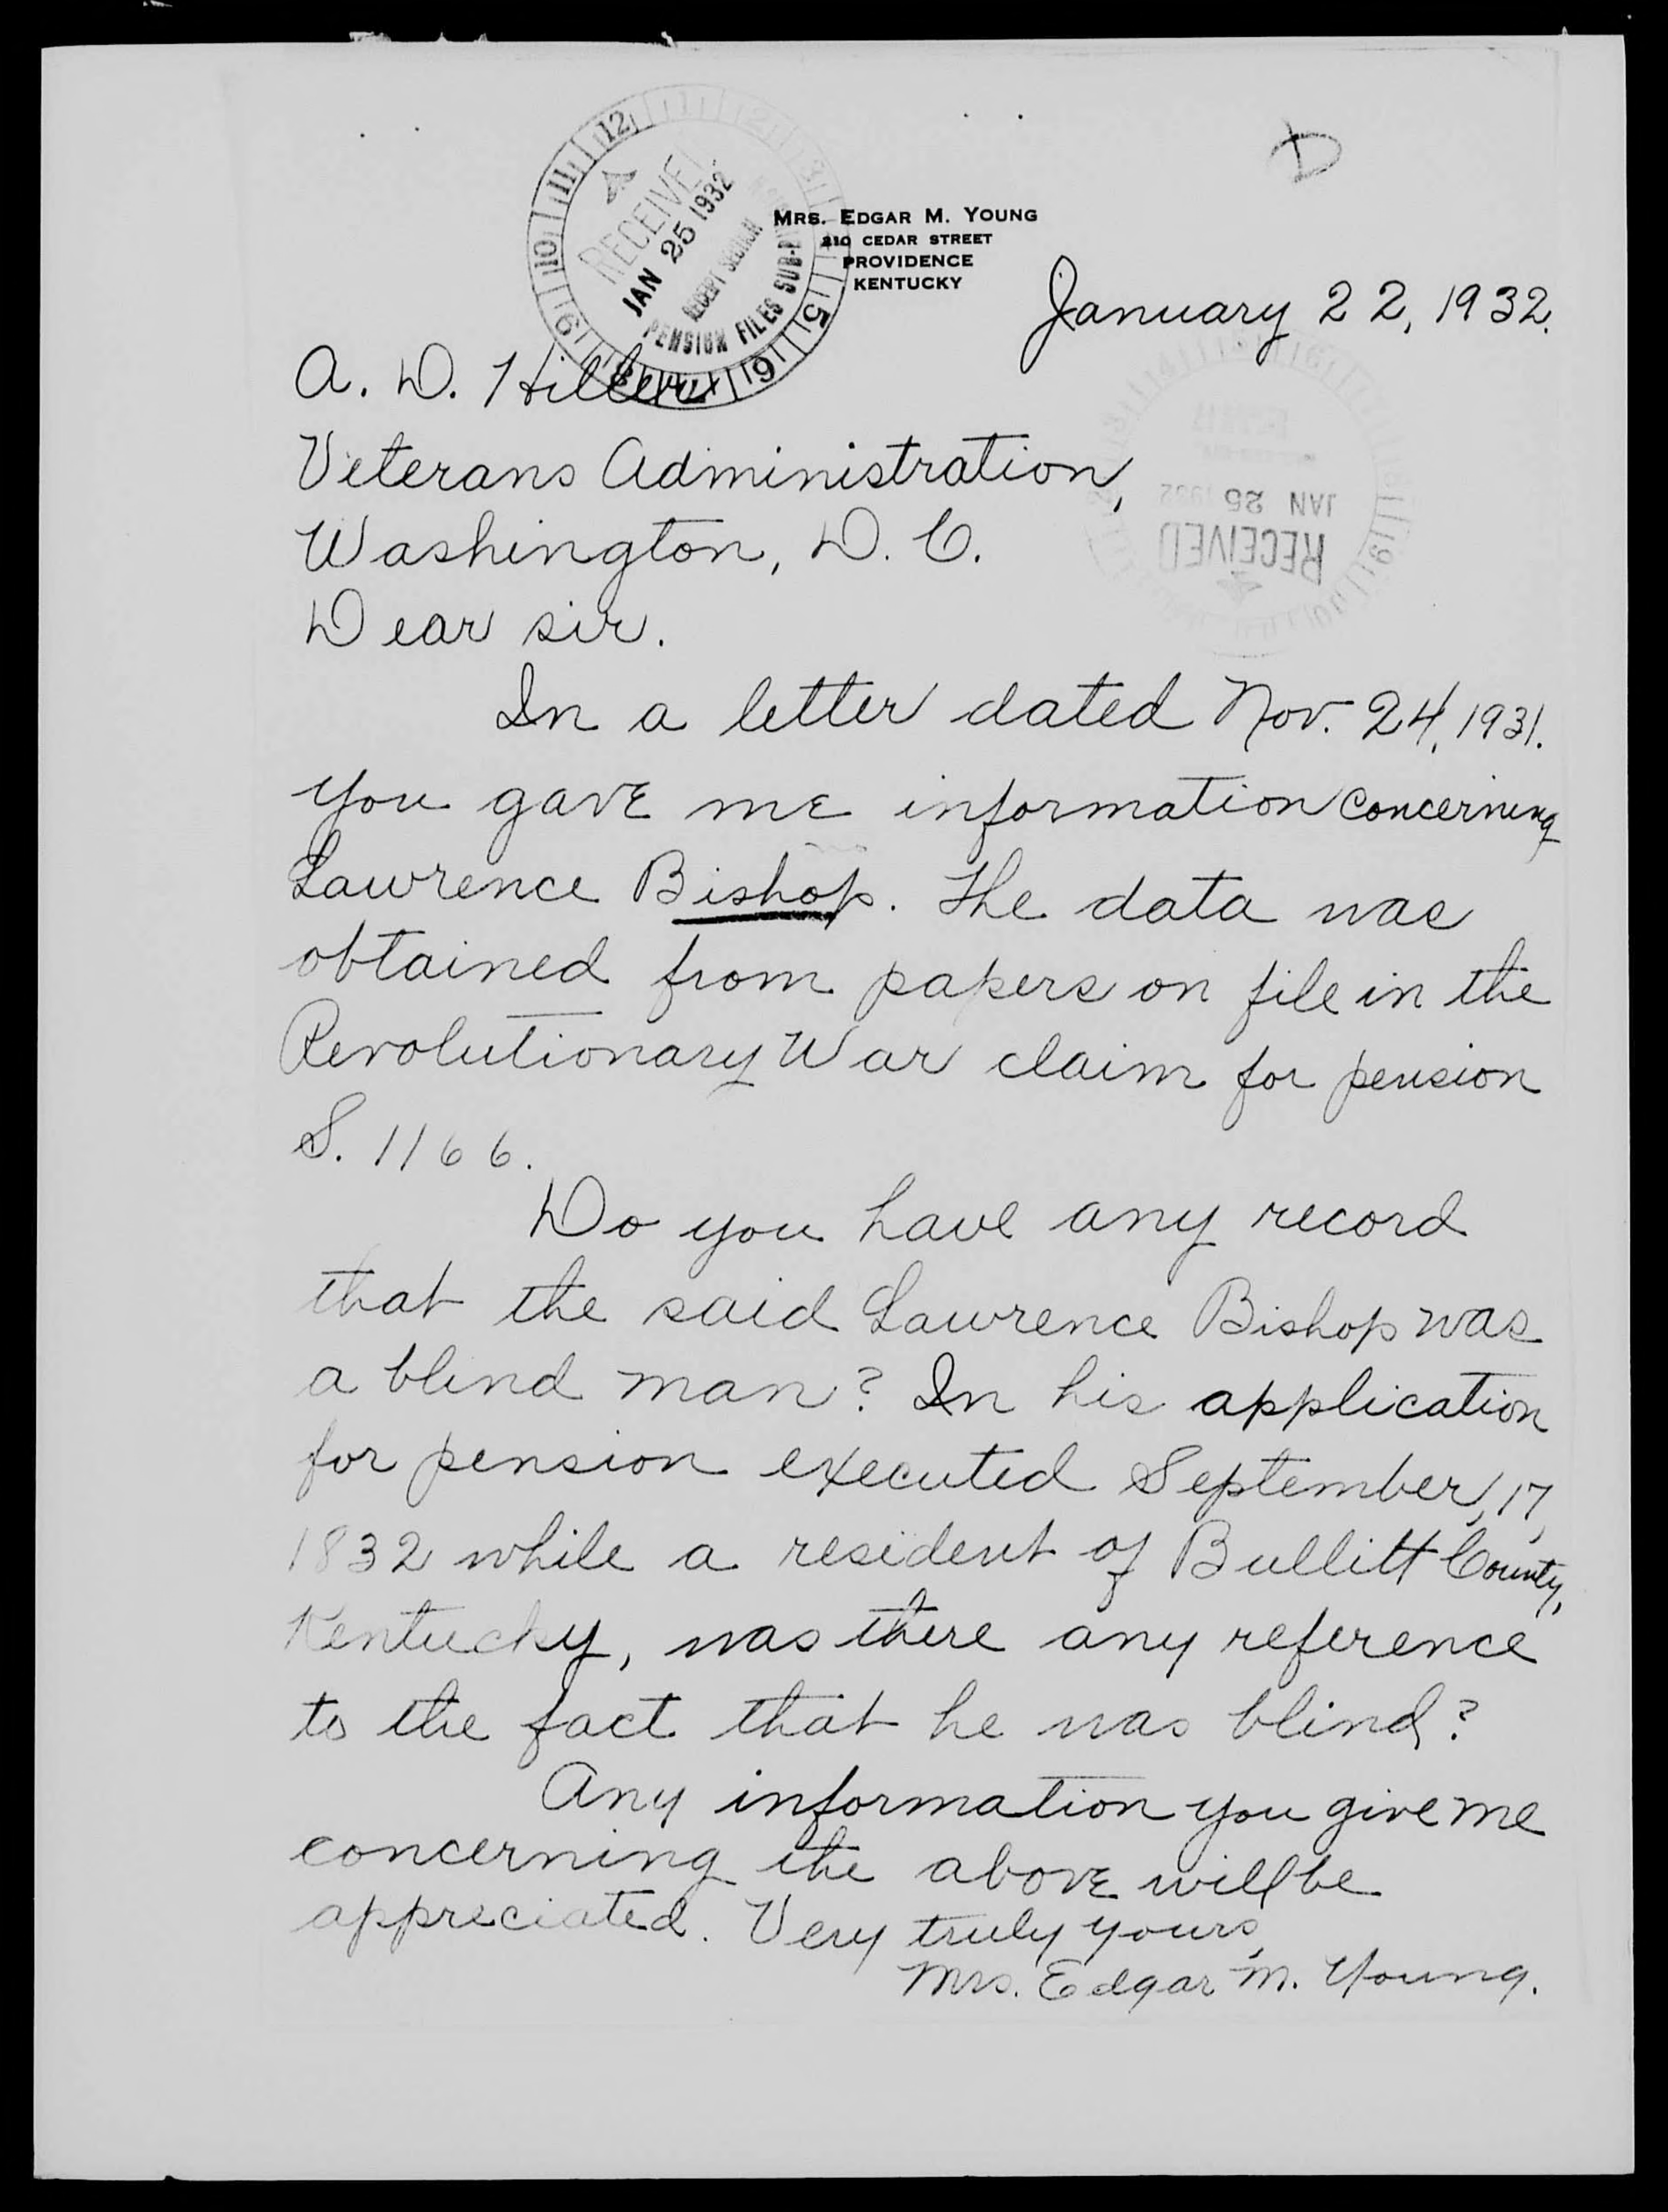RECEIVED JAN 25 1932 RECEIPT SECTION PENSION FILES SUB-DIV
MRS. EDGAR M. YOUNG 
A10 CEDAR STREET 
PROVIDENCE KENTUCKY 
January 22, 1932 
RECEIVED JAN 25 1932 [unreadable]
A.D. Hiller 
Veterans Administration 
Washington, D.C. 
Dear Sir, 
In a letter dated Nov. 24, 1931. you gave me information concerning Lawrence Bishop. The data was obtained from papers on file in the Revolutionary War claim for pension S. 1166   
Do you have any record that the said Lawrence Bishop was a blind man? In his application for pension executed September 17 1832 while a resident of Bullitt County Kentucky, was there any reference to the fact that he was blind? 
Any information you give me concerning the above will be appreciated. 
Very truly yours 
Mrs. Edgar M. Young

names: Edgar M Young, A D Hiller, Lawrence Bishop, Lawrence Bishop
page: 17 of 26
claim: survivor's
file: S.1,166, Lawrence Bishop, Penn.